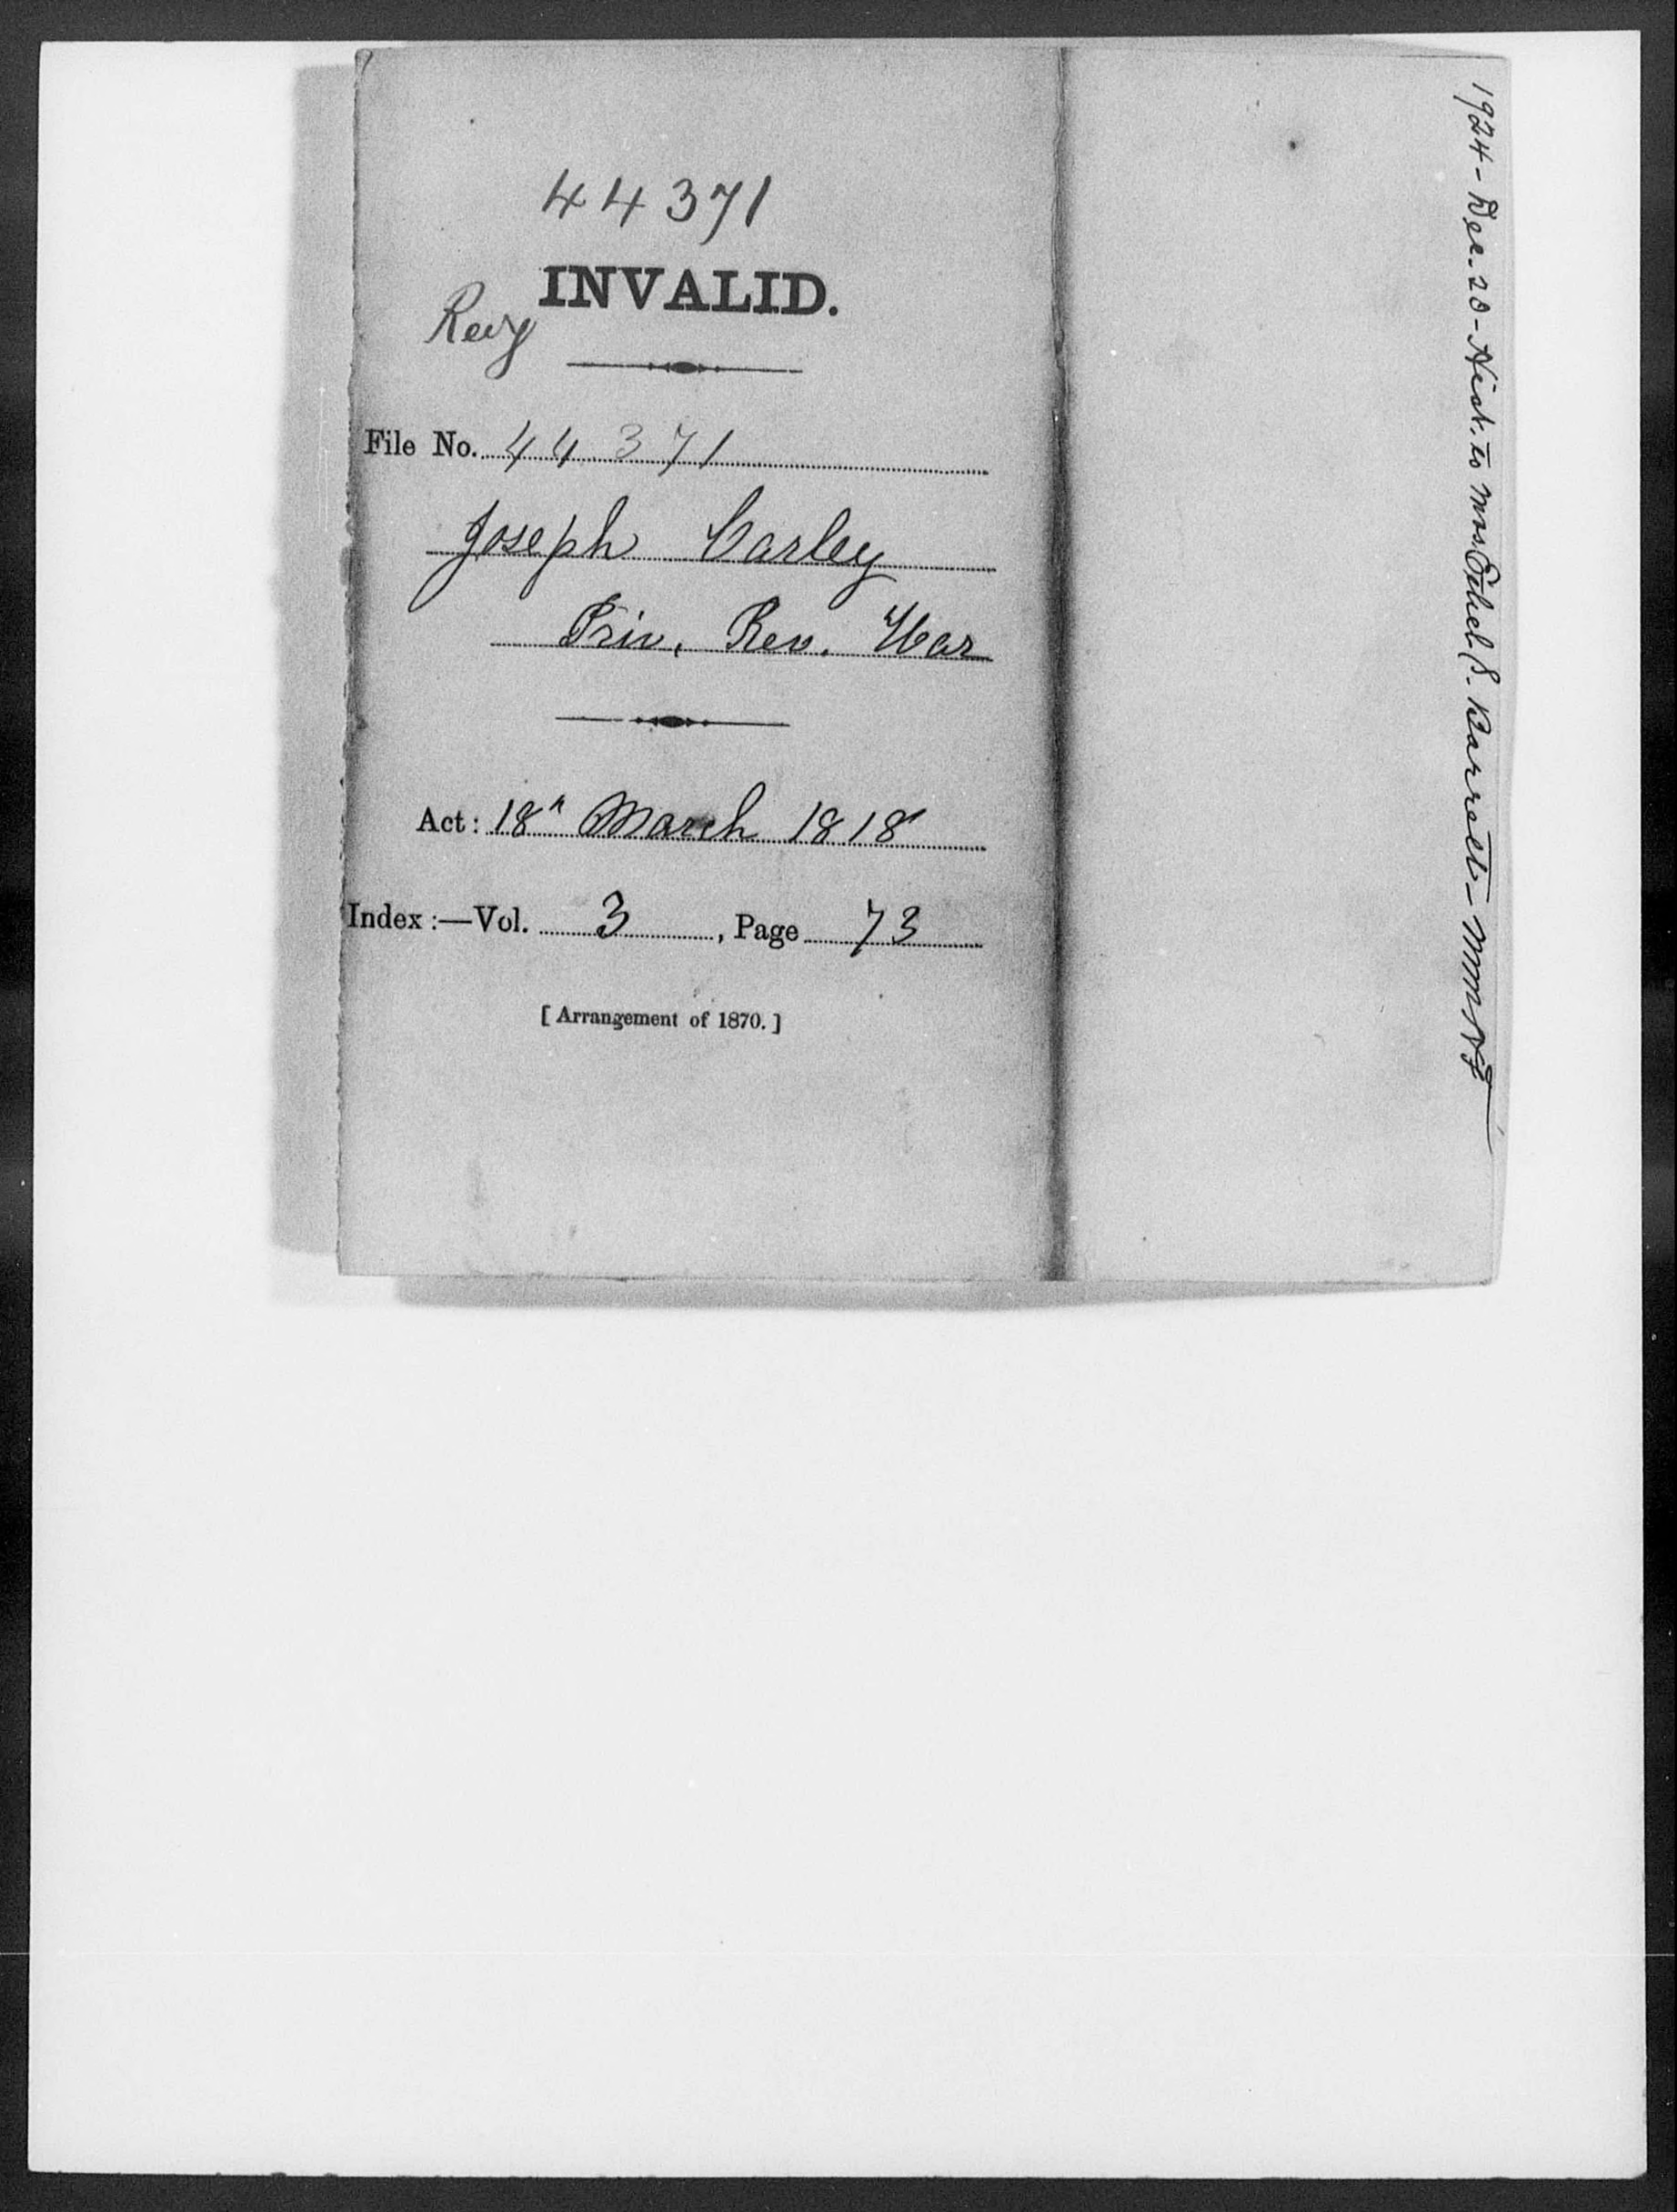44371

Revy INVALID


File No. 44371

Joseph Carley
Priv. Rev. War


Act:  18th March 1818

Index:-Vol. 3, Page 73


[Arrangement of 1870]




1924 - Dec. 20 - Hist. to Mrs. Ethel S. Barrett -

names: Joseph Carley, Ethel S Barrett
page: 12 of 16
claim: survivor's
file: S. 44371, Joseph Carley, New York.